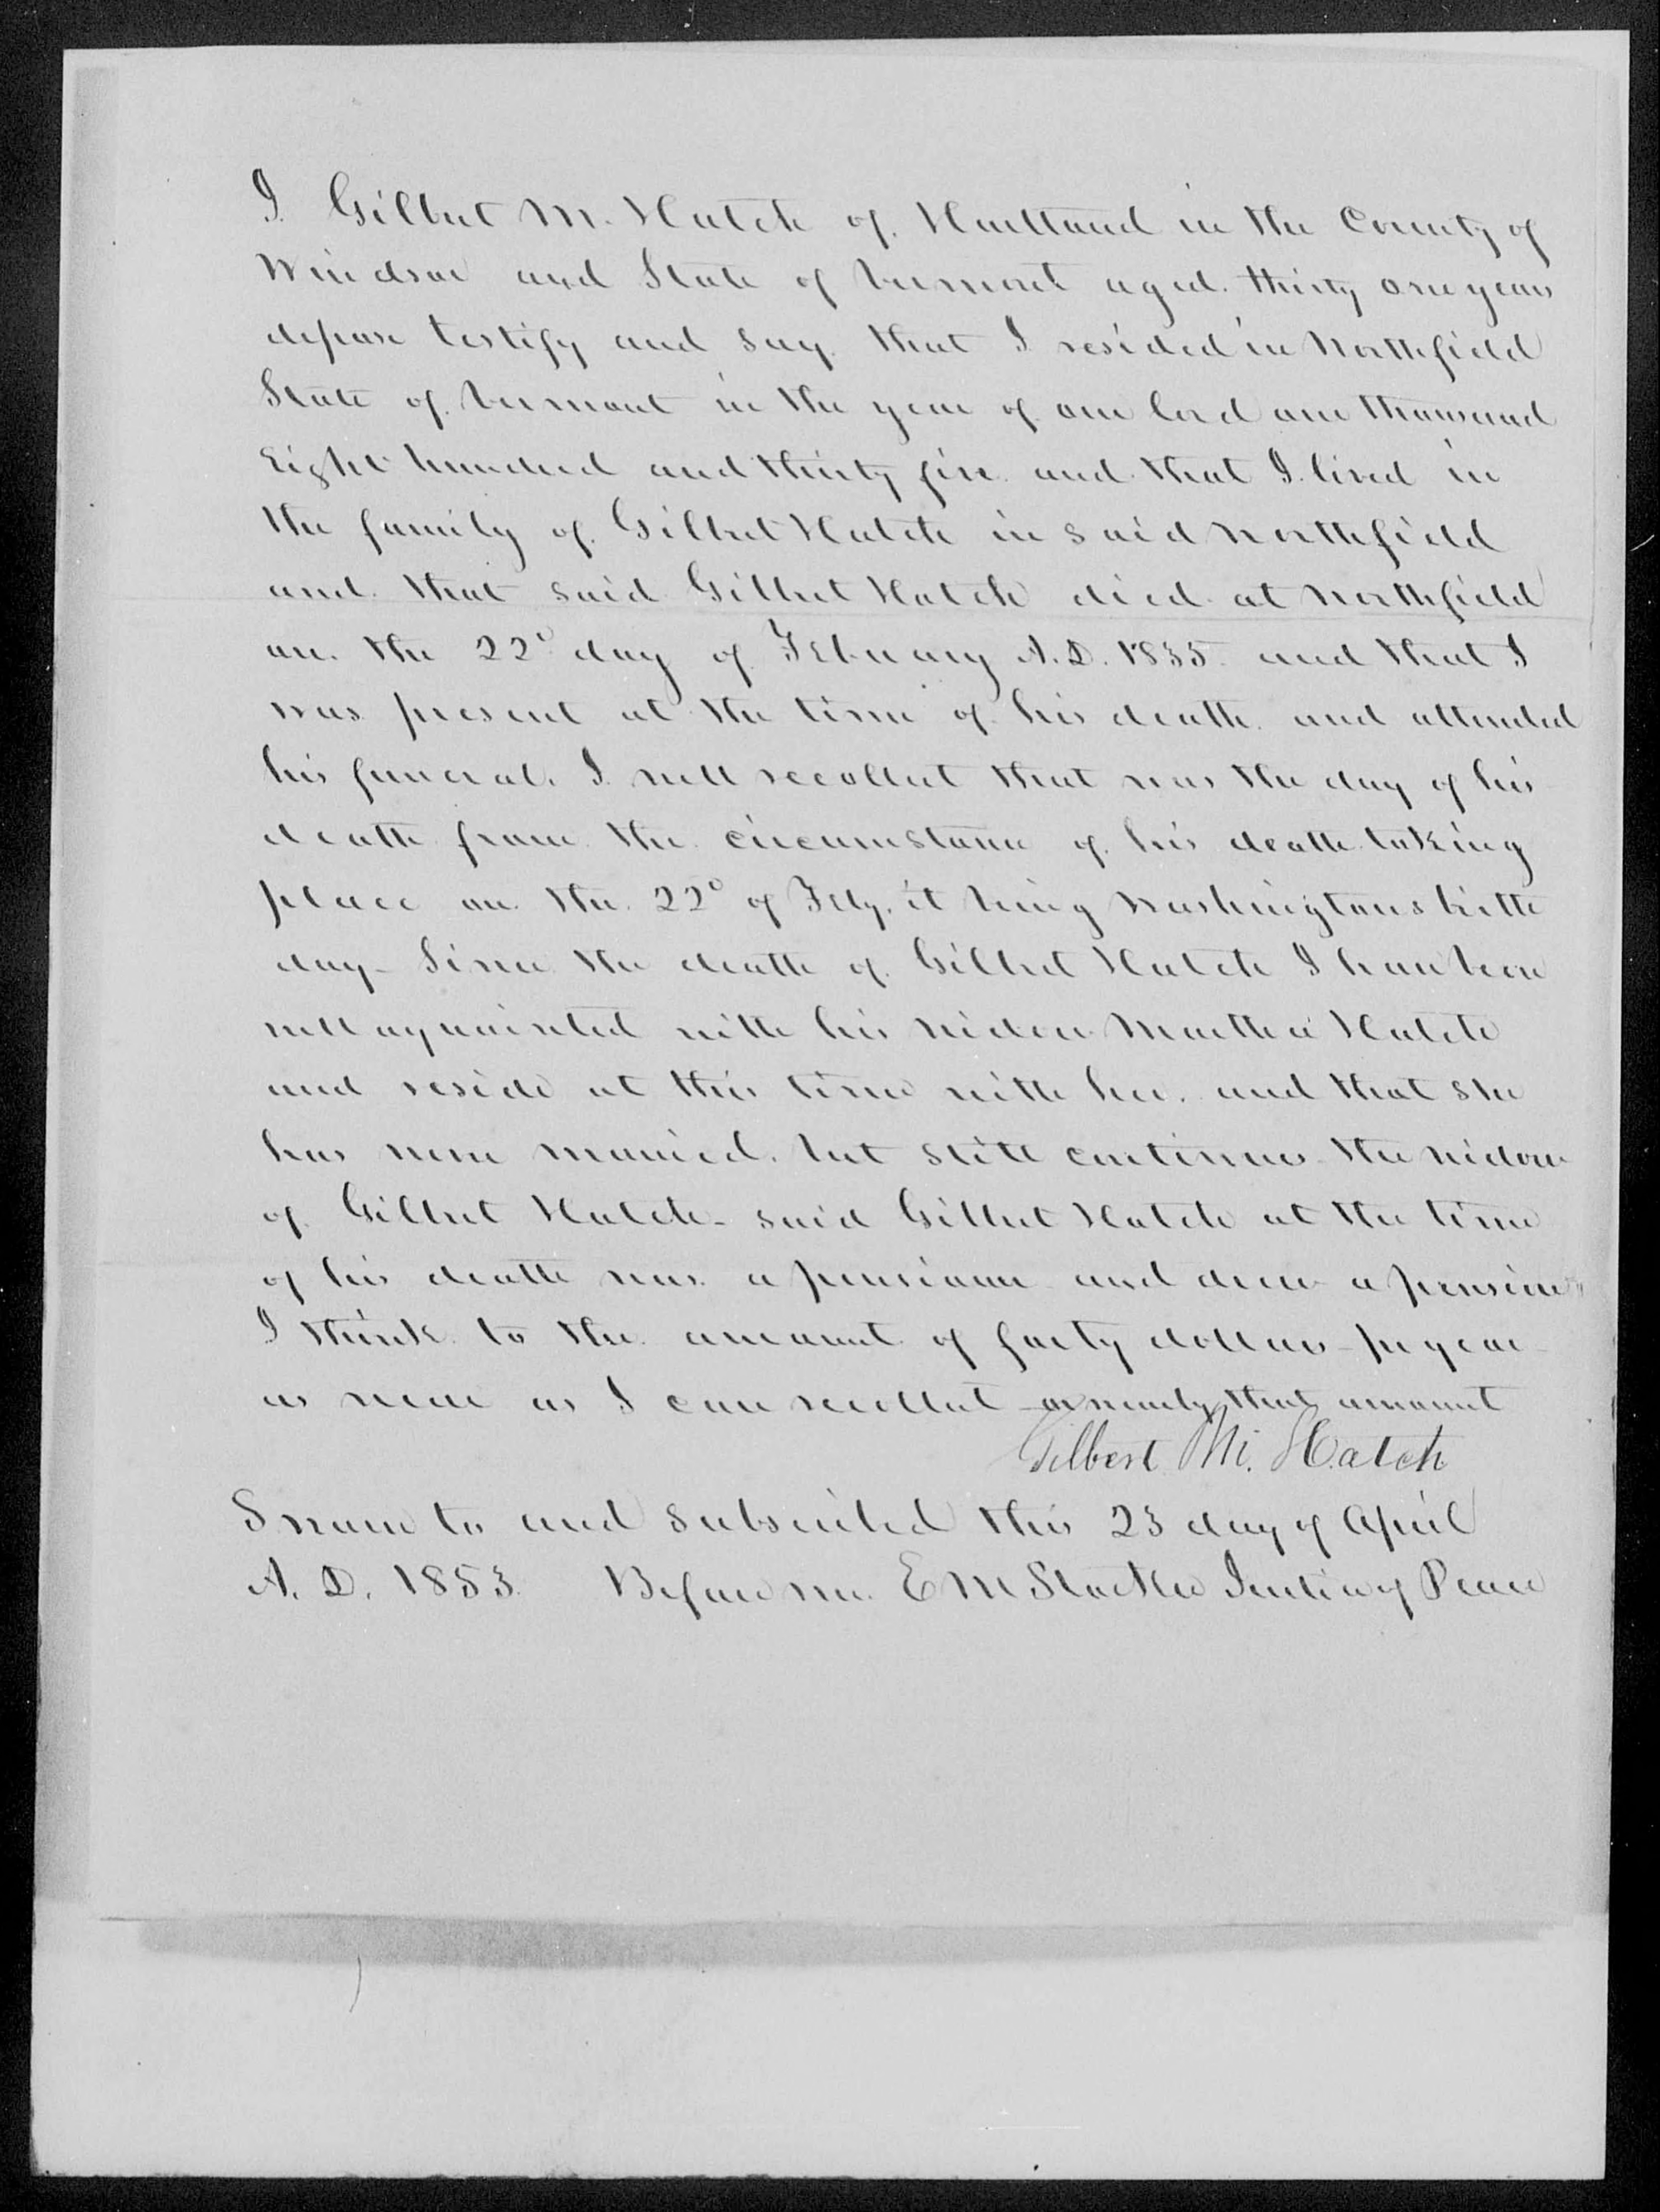[handwriting]
I Gilbert M. Hatch of Hartland in the County of Windsor and the State of Vermont aged thirty one years depose testify and say that I resided in Northfield State of Vermont in the year of our lord one thousand eight hundred and thirty five and that I lived in the family of Gilbert Hatch in said Northfield and that said Gilbert Hatch died at Northfield on the 22d day of February A.D. 1835 and that I was present at the time of his death, and attended his funeral.  I well recollect that was the day of his death from the circumstance of his death taking place on the 22nd of Feby. it being Washington's birthday. Since the death of Gilbert Hatch I have been well acquainted with his widow Martha Hutch and reside at this time with her, and that she has never married but still continues the widow of Gilbert Hatch.  Said Gilbert Hatch at the time of his death was a pensioner and drew a pension I think to the amount of forty dollars per year as near as I can recollect or nearly that amount.
[signature in different handwriting] Gilbert M. Hatch
[resume former handwriting] S[illegible, perhaps Sworn] to and subscribed this 23 day of April A.D. 1853.  Before Mr. E. M. Stocker Justice of Peace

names: Gilbert Hatch, Gilbert M Hatch, Martha Hatch, Gilbert Hatch, Gilbert Hatch, Gilbert Hatch, Gilbert Hatch, E M Stocker, Gilbert M Hatch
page: 21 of 47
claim: widow's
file: W. 225, Gilbert Hatch, Conn.